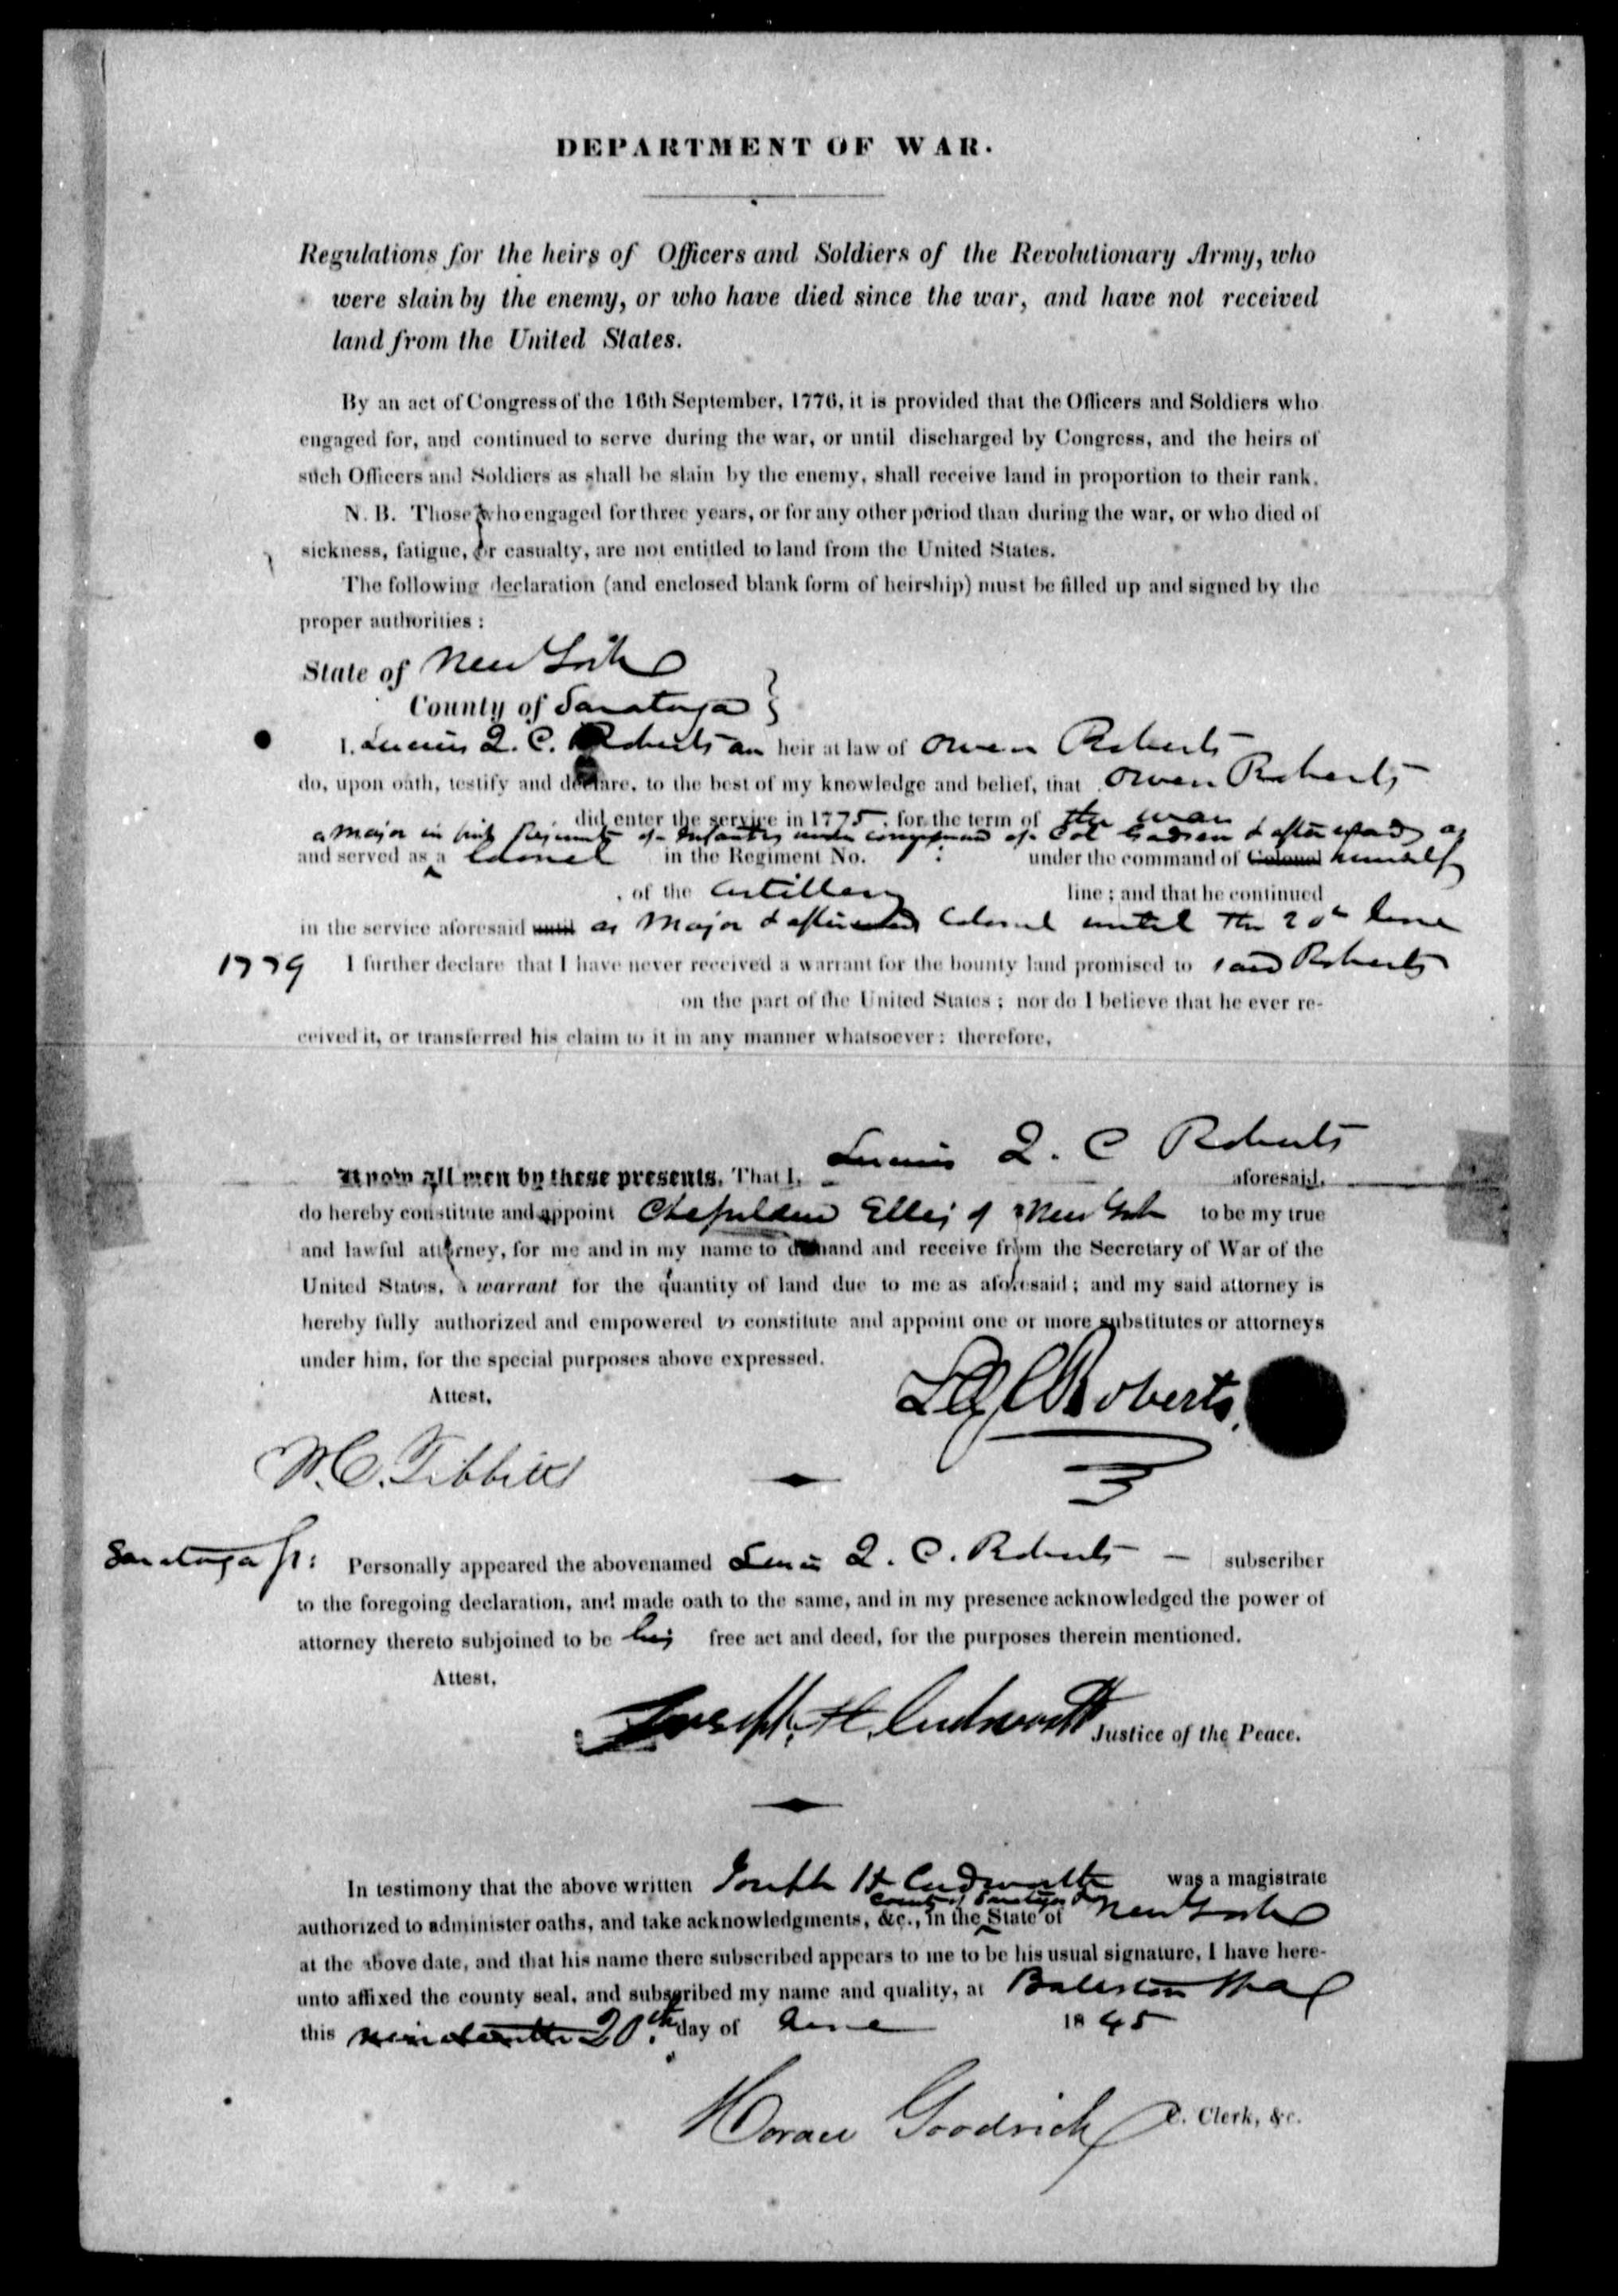DEPARTMENT OF WAR.
Regulations for the heirs of Officers and Soldiers of the Revolutionary Army, who were slain by the enemy, or who have died since the war, and have not received land from the United States.
By an act of Congress of the 16th September, 1776, it is provided that the Officers and Soldiers who engaged for, and continued to serve during the war, or until discharged by Congress, and the heirs of such Officers and Soldiers as shall be slain by the enemy, shall receive land in proportion to their rank.
N.B. Those who engaged for three years, or for any other period than during the war, or who died of sickness, fatigue, or casualty, are not entitled to land from the United States.
The following declaration (and enclosed blank form of heirship) must be filled up and signed by the proper authorities:
State of New York
County of Saratoga
I, Lucius Q. C. Roberts an heir at law of Owen Roberts do, upon oath, testify and declare, to the best of my knowledge and belief, that Owen Roberts did enter the service in 1775, for the term of the war and served as a major in his Regiment of Infantry under command of Col [illegible] and afterwards as a Colonel in the Regiment No  : [ditto marks]  under the command of [Colonel" crossed out] himself, of the Artillery line; and that he continued in the service aforesaid ["until" crossed out] as Major and afterwards Colonel until the 20th June 1779  I further declare that I have never received a warrant for the bounty land promised to said Roberts on the part of the United States; nor do I believe that he ever received it, or transferred his claim to it in any manner whatsoever; therefore:
Know all men by these presents, That I Lucius Q. C. Roberts aforesaid, do hereby constitute and appoint Chapel and Ellis of New York to be my true and lawful attorney, for me and in my name to demand and receive from the Secretary of War of the United States, a warrant for the quantity of land due to me as aforesaid; and my said attorney is hereby fully authorized and empowered to constitute and appoint one or more substitutes or attorneys under him, for the special purposes above expressed.
[Signature] L Q C Roberts
Attest, W. C. Tibbitts
[handwritten] Saratoga [illegible]
Personally appeared the above Lucius Q. C. Roberts-- subscriber to the foregoing declaration, and made oath to the same, and in my presence acknowledged the power of attorney thereto subjoined to be his free act and deed, for the purposes therein mentioned.
Attest, Joseph H. Cudworth Justice of the Peace.
In testimony that the above written Joseph H. Cudworth was a magistrate authorized to administer oaths, and take acknowledgments, &c., in the State of New York at the above date, and that his name there subscribed appears to me to be his usual signature, I have hereunto affixed the county seal and subscribed my name and quality, at Ballston [illegible] this [words crossed out] 20th date of June 1845. Horace Goodrich  C. Clerk, &c.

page: 9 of 59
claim: bounty land warrant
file: B.L.Wt. 2359-500, for Owen Roberts, South Carolina